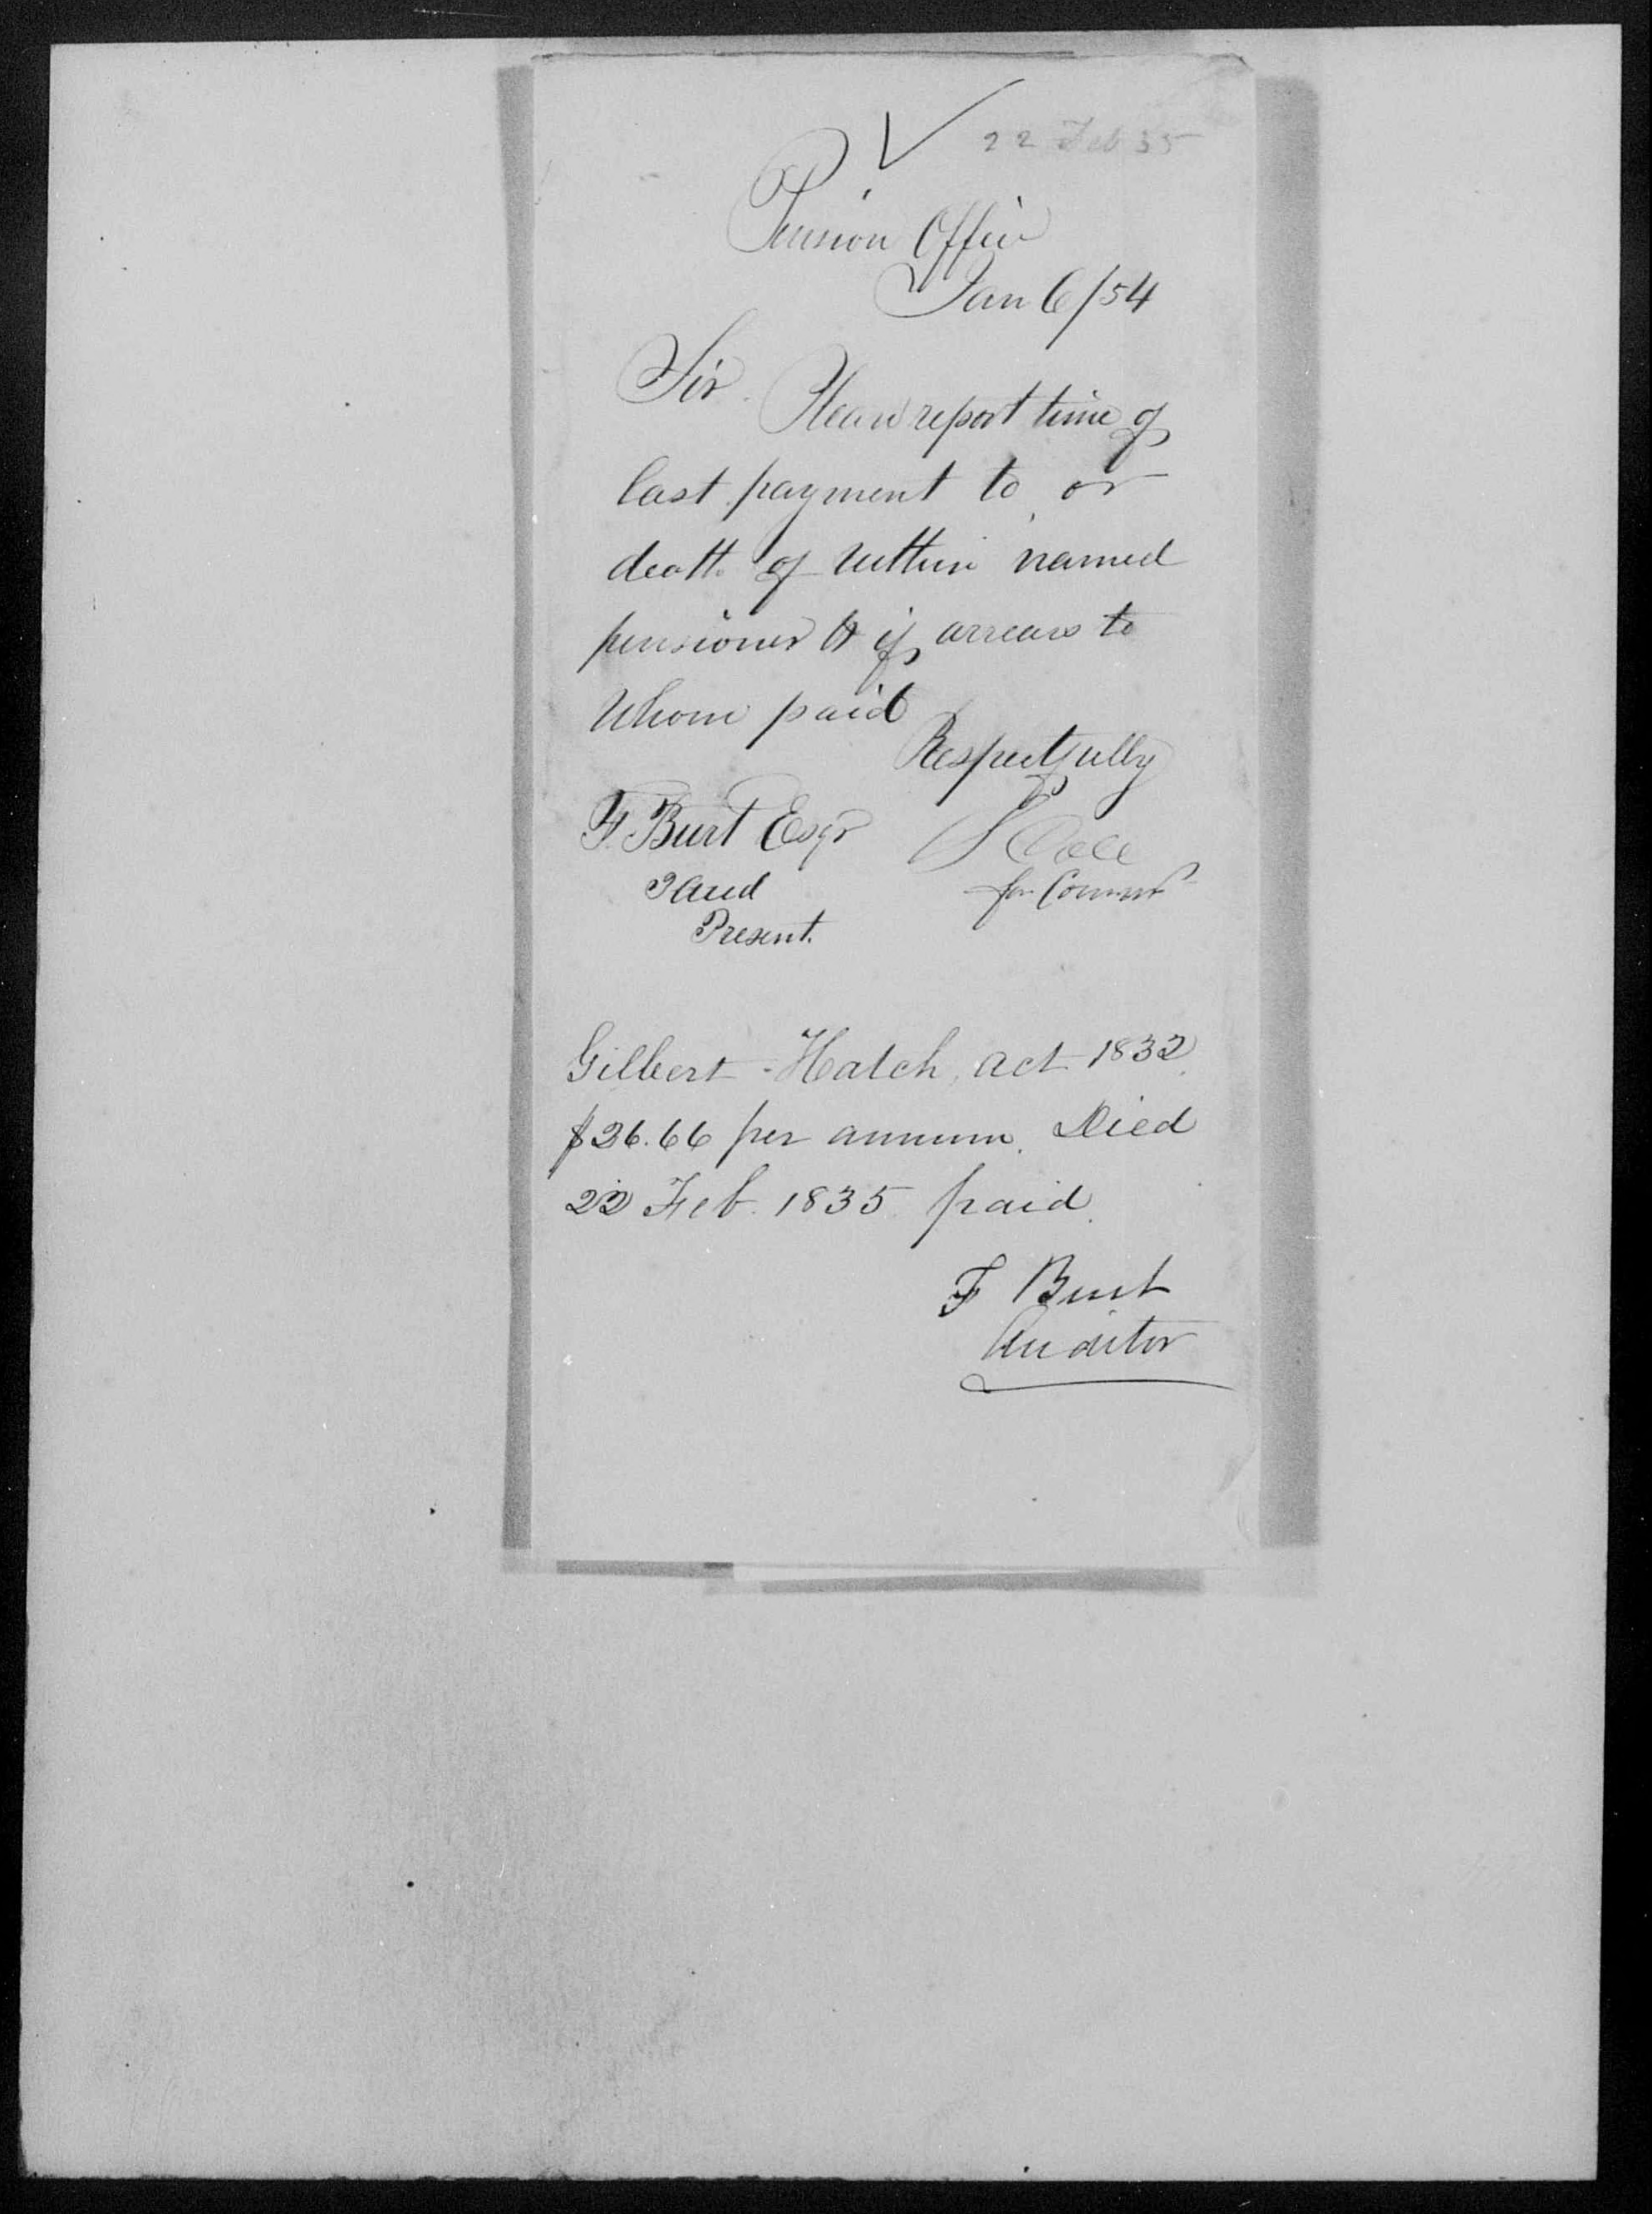22 Feb 35
Pension Office
Jan 6/54
Sir
Please report time of last payment to or death of within named pensioner & if arrears to whom paid.
Respectfully
S Cole
for Commr.

F. Burt Esqr
Aud. Present.

Gilbert Hatch act 1832
$26.66 per annum. Died 22 Feb 1835. Paid.
F. Burt
Auditor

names: Gilbert Hatch, F Burt, F Burt, S Cole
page: 44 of 47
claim: widow's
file: W. 225, Gilbert Hatch, Conn.